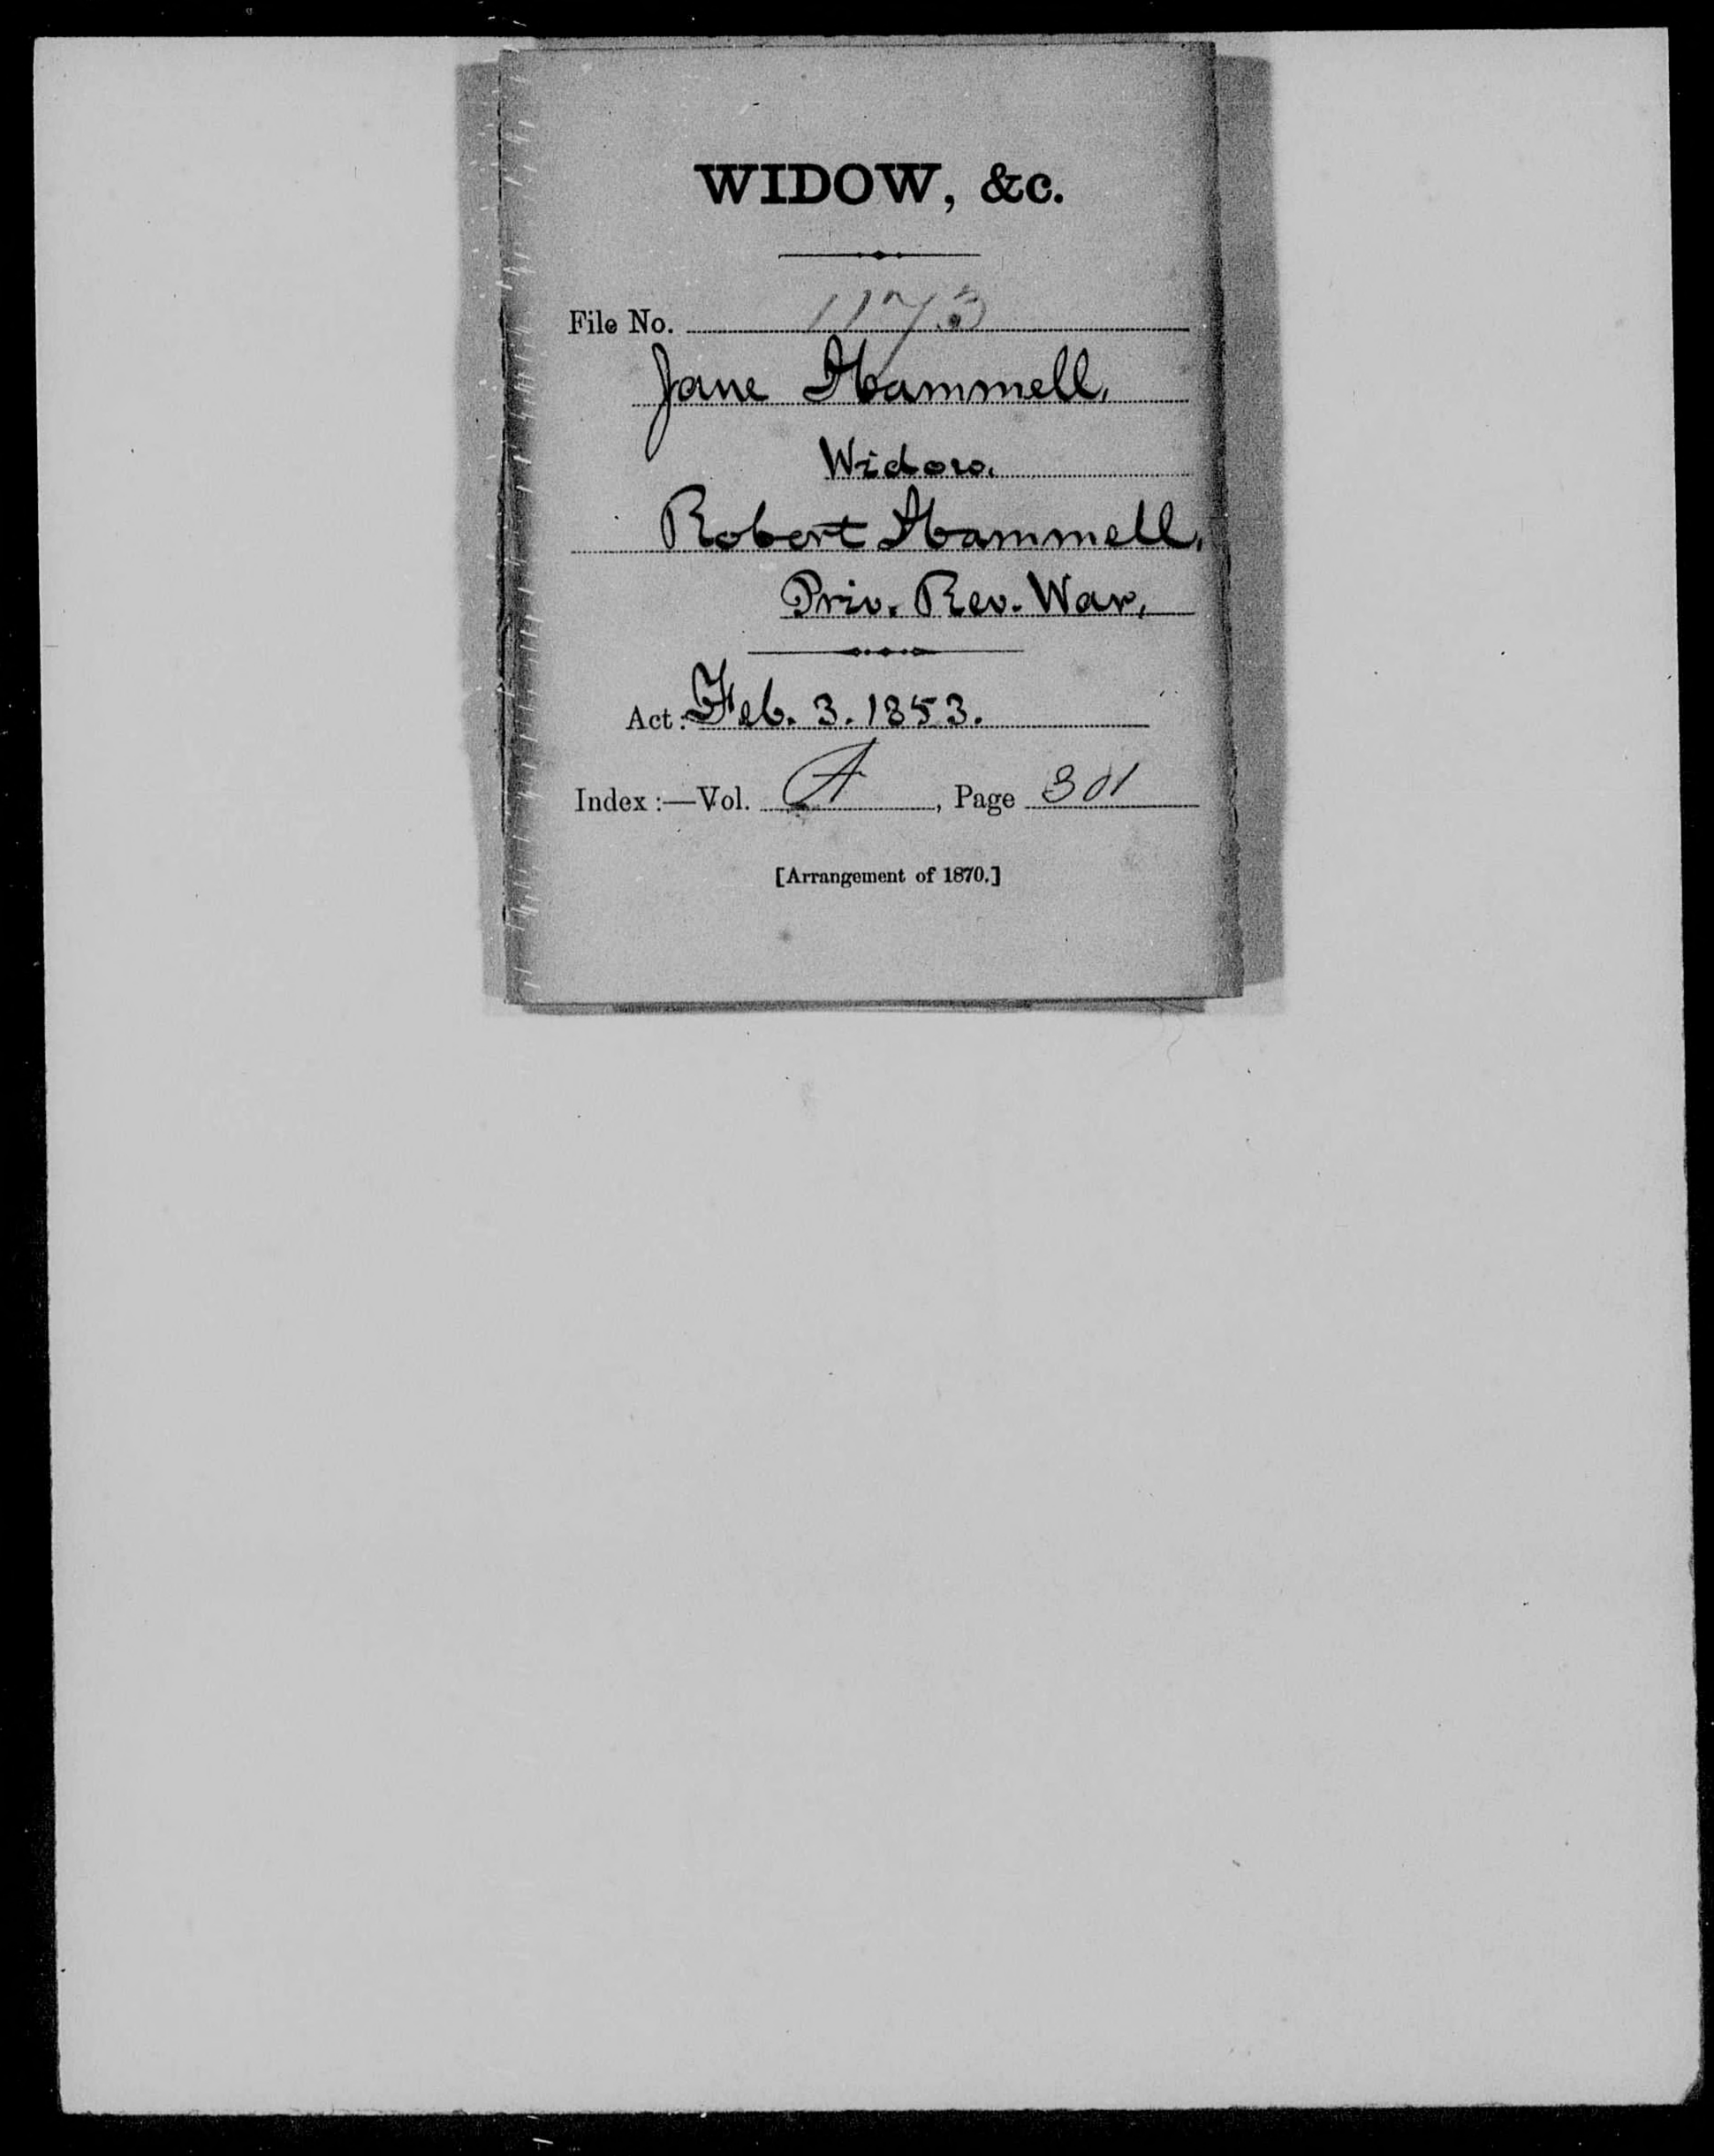WIDOW, &c.
File No. 1173
Jane Hammell,
Widow
Robert Hammell
Priv. Rev. War
Act. Feb. 3. 1853
Index: - Vol. A, Page 301
[Arrangement of 1870.]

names: Jane Hammell, Robert Hammell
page: 46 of 92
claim: widow's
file: W 1173, Robert Hamill, Penn.